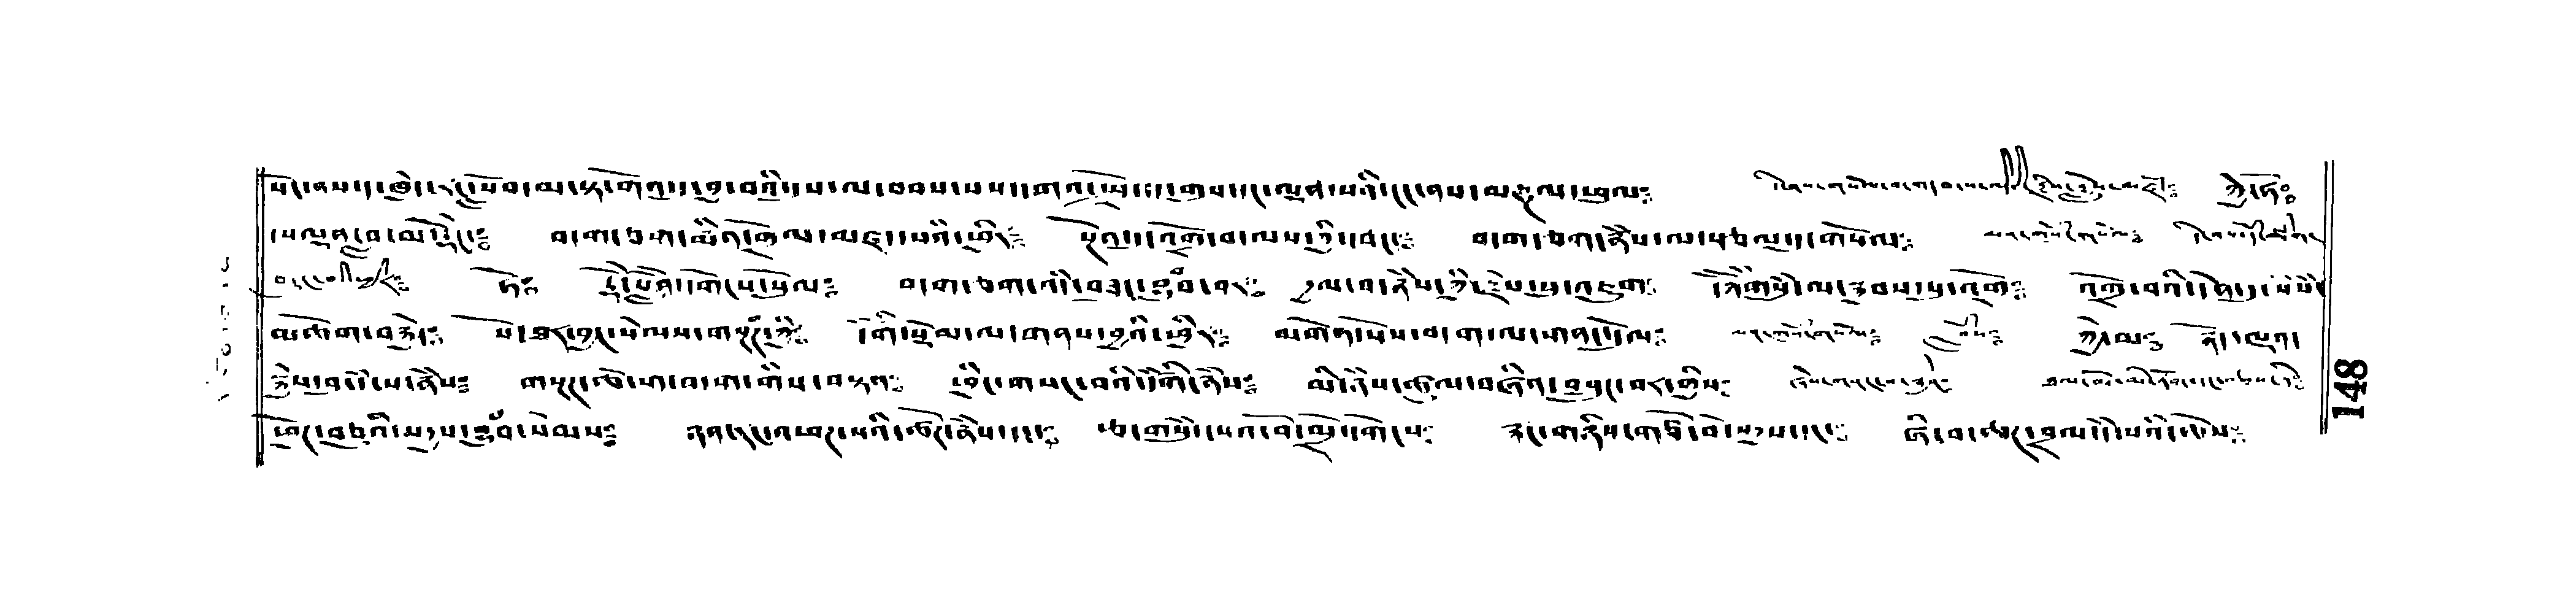སོང་ནས་ད་ཁྱེད་རང་སློབ་མ་སྟ་གོན་དུ་བྱ་བའི་དུས་ལ་བབས་པས་དགའ་སྤྲོ་དད་གུས་དང་ལྡན་པའི་ངང་ནས་མཎྜལ་ཕུལ༔ དེ་ནས་གསོལ་བ་གདབ་པ་འདིའི་རྗེས་ཟློས་མཛོད༔ ཀྱེ་ཧོཿ 
དཔལ་ལྡན་བླ་མ་རྡོ་རྗེ་དང༔ བདག་ཅག་སྨིན་གྲོལ་མཛད་པའི་ཕྱིར༔ སྔོན་དུ་འགྲོ་བ་ལས་ཀྱི་དབང༔ བདག་ཅག་རྣམས་ལ་བསྩལ་དུ་གསོལ༔ ལན་གསུམ་གསོལ༔ དེ་ནས་དམ་ཚིག་
གཟུང་བའི་ཕྱིར༔ ཧོཿ རྡོ་རྗེ་སློབ་དཔོན་དགོངས་སུ་གསོལ༔ བདག་ཅག་འདི་བཟུང་བྱང་ཆུབ་བར༔ རྒྱལ་བ་རྣམས་ཀྱི་རྗེས་སུ་འཇུག༔ དཀོན་མཆོག་གསུམ་ལ་སྐྱབས་སུ་འགྲོ༔ འགྲོ་བའི་དོན་དུ་སེམས་
མཆོག་བསྐྱེད༔ སོ་ཐར་བྱང་སེམས་གསང་སྔགས་ཀྱི༔ དམ་ཚིག་སྡོམ་ལ་གནས་བྱའི་ཕྱིར༔ མགོན་པོས་བདག་ལ་གནང་དུ་གསོལ༔ ལན་གསུམ་གསོལ༔ བླ་མས༔ ཀྱེ་མ༔ སྣོད་ལྡན་
སྐྱེས་བུ་དམ་པ་རྣམས༔ གསང་སྔགས་ཆོ་ག་བདག་གིས་བསྟན༔ ཕྱི་ནང་གསང་བའི་དམ་ཚིག་རྣམས༔ མི་ཉམས་ཚུལ་བཞིན་བསྲུང་བར་གྱིས༔ ཞེས་གནང་བ་སྦྱིན༔ ཐལ་མོ་མེ་ཏོག་དང་བཅས་ཏེ༔ 
ཕྱོགས་བཅུའི་སངས་རྒྱས་བྱང་ཆུབ་སེམས༔ ཉན་རང་འཕགས་པའི་ཚོགས་རྣམས་དང༔ རྩ་གསུམ་དཔའ་བོ་མཁའ་འགྲོ་དགོངས༔ སྐང་གཉིས་གཙོ་བོར་སངས་རྒྱས་དང༔ ཞི་བ་ཆགས་བྲལ་དམ་པའི་ཆོས༔